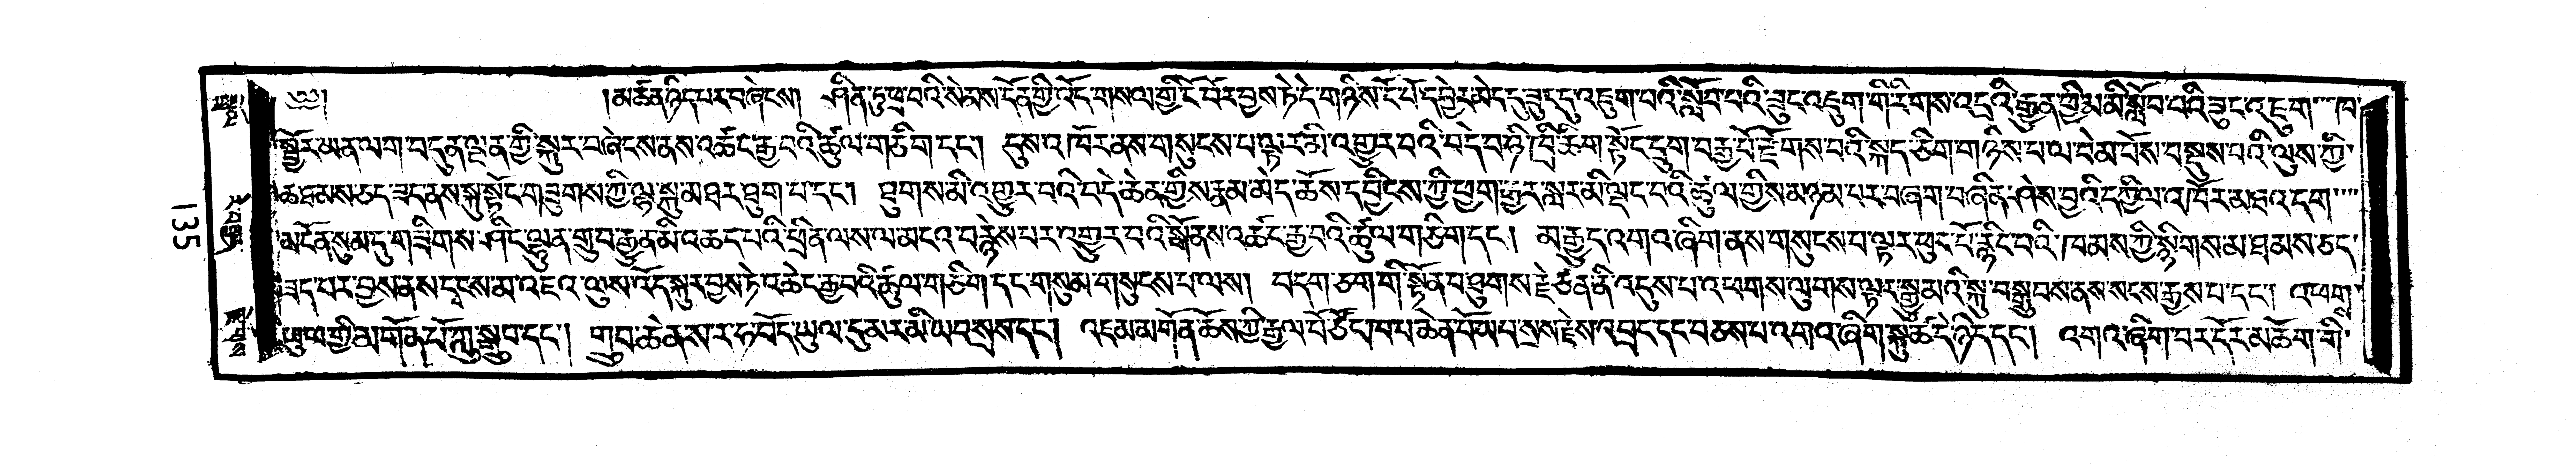༄༅། །མཚན་ཉིད་པར་བཞེངས། ཤིན་ཏུ་ཕྲ་བའི་སེམས་དོན་གྱི་འོད་གསལ་གྱི་ངོ་བོར་བྱས་ཏེ་དེ་གཉིས་ངོ་བོ་དབྱེར་མེད་དུ་ཟུང་དུ་འཇུག་པའི་སློབ་པའི་ཟུང་འཇུག་གི་རིགས་འདྲའི་རྒྱུན་ཕྱི་མ་མི་སློབ་པའི་ཟུང་འཇུག་ཁ་
སྦྱོར་ཡན་ལག་བདུན་ལྡན་གྱི་སྐུར་བཞེངས་ནས་འཚང་རྒྱ་བའི་ཚུལ་གཅིག་དང་། དུས་འཁོར་ནས་གསུངས་པ་ལྟར་མི་འགྱུར་བའི་བདེ་བ་ཉི་ཁྲི་ཆིག་སྟོང་དྲུག་བརྒྱ་པོ་རྫོགས་པའི་སྐད་ཅིག་གཉིས་པ་ལ་བེམ་པོས་བསྡུས་པའི་ལུས་ཀྱི་
ཆ་ཐམས་ཅད་ཟད་ནས་སྐུ་སྟོང་གཟུགས་ཀྱི་ལྷ་སྐུ་མཐར་ཐུག་པ་དང་། ཐུགས་མི་འགྱུར་བའི་བདེ་ཆེན་གྱིས་རྣམ་མེད་ཆོས་དབྱིངས་ཀྱི་ཕྱག་རྒྱར་སླར་མི་ལྡང་བའི་ཚུལ་གྱིས་མཉམ་པར་བཞག་བཞིན་ཤེས་བྱའི་དཀྱིལ་འཁོར་མཐའ་དག་
མངོན་སུམ་དུ་གཟིགས་ཤིང་ལྷུན་གྲུབ་རྒྱུན་མི་འཆད་པའི་ཕྲིན་ལས་ལ་མངའ་བརྙེས་པར་འགྱུར་བའི་སྒོ་ནས་འཚང་རྒྱ་བའི་ཚུལ་གཅིག་དང་། མ་རྒྱུད་འགའ་ཞིག་ནས་གསུངས་པ་ལྟར་ཕུང་པོ་རྙིང་པའི་ཁམས་ཀྱི་སྙིགས་མ་ཐམས་ཅད་
ཟད་པར་བྱས་ནས་དྭངས་མ་འཇའ་ལུས་འོད་སྐུར་བྱས་ཏེ་འཚང་རྒྱ་བའི་ཚུལ་གཅིག་དང་གསུམ་གསུངས་པ་ལས། བདག་ཅག་གི་སྟོན་པ་ཐུགས་རྗེ་ཅན་ནི་འདུས་པ་འཕགས་ལུགས་ལྟར་སྒྱུ་མའི་སྐུ་བསྒྲུབས་ནས་སངས་རྒྱས་པ་དང་། འཕགས་
ཡུལ་གྱི་མགོན་པོ་ཀླུ་སྒྲུབ་དང་། གྲུབ་ཆེན་ས་ར་ཧ། བོད་ཡུལ་དུ་མར་མི་ཡབ་སྲས་དང་། འཇམ་མགོན་ཆོས་ཀྱི་རྒྱལ་པོ་ཙོང་ཁ་པ་ཆེན་པོ་ཡབ་སྲས་རྗེས་འབྲང་དང་བཅས་པ་འགའ་ཞིག་སྐུ་ཚེ་དེ་ཉིད་དང་། འགའ་ཞིག་བར་དོར་མཆོག་གི་